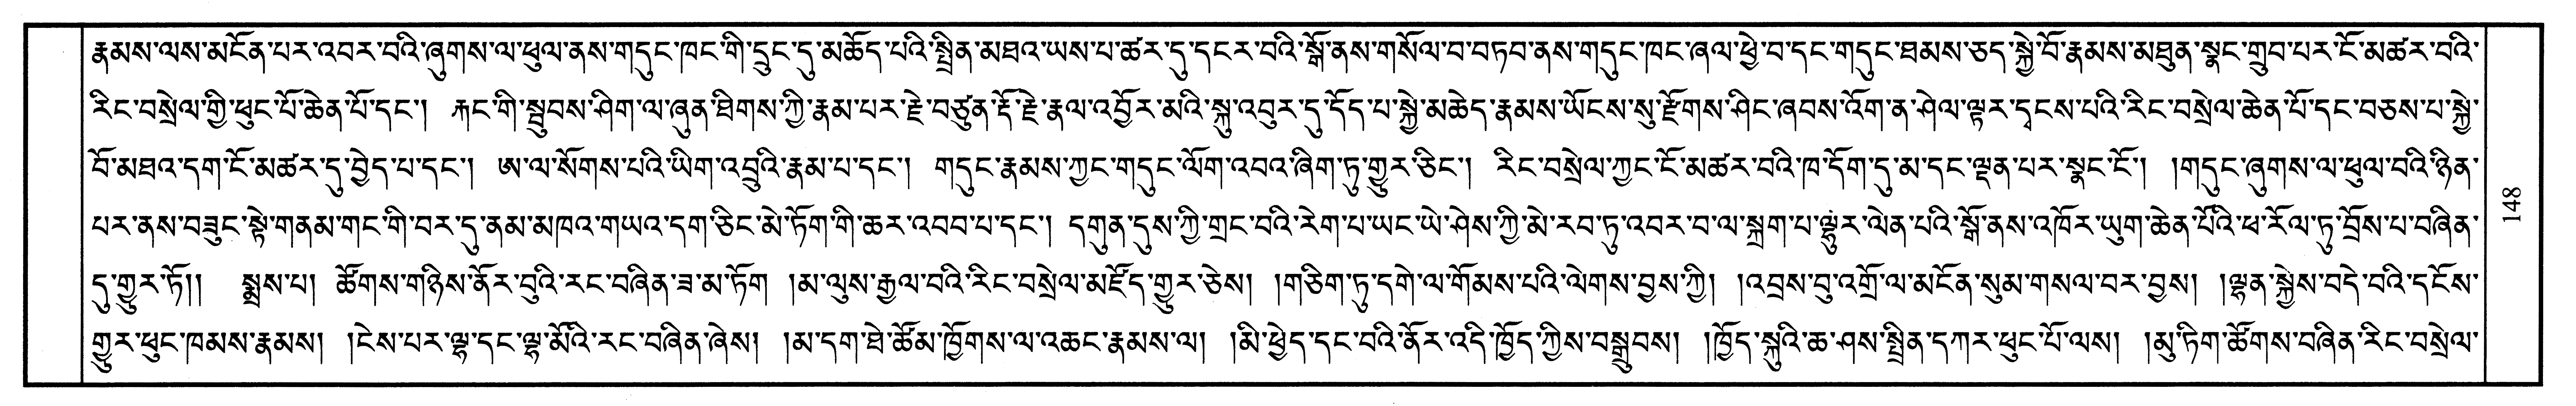རྣམས་ལས་མངོན་པར་འབར་བའི་ཞུགས་ལ་ཕུལ་ནས་གདུང་ཁང་གི་དྲུང་དུ་མཆོད་པའི་སྤྲིན་མཐའ་ཡས་པ་ཚར་དུ་དངར་བའི་སྒོ་ནས་གསོལ་བ་བཏབ་ནས་གདུང་ཁང་ཞལ་ཕྱེ་བ་དང་གདུང་ཐམས་ཅད་སྐྱེ་བོ་རྣམས་མཐུན་སྣང་གྲུབ་པར་ངོ་མཚར་བའི་
རིང་བསྲེལ་གྱི་ཕུང་པོ་ཆེན་པོ་དང་། རྐང་གི་སྦུབས་ཤིག་ལ་ཞུན་ཐིགས་ཀྱི་རྣམ་པར་རྗེ་བཙུན་རྡོ་རྗེ་རྣལ་འབྱོར་མའི་སྐུ་འབུར་དུ་དོད་པ་སྐྱེ་མཆེད་རྣམས་ཡོངས་སུ་རྫོགས་ཤིང་ཞབས་འོག་ན་ཤེལ་ལྟར་དྭངས་པའི་རིང་བསྲེལ་ཆེན་པོ་དང་བཅས་པ་སྐྱེ་
བོ་མཐའ་དག་ངོ་མཚར་དུ་བྱེད་པ་དང་། ཨ་ལ་སོགས་པའི་ཡིག་འབྲུའི་རྣམ་པ་དང་། གདུང་རྣམས་ཀྱང་གདུང་ལོག་འབའ་ཞིག་ཏུ་གྱུར་ཅིང་། རིང་བསྲེལ་ཀྱང་ངོ་མཚར་བའི་ཁ་དོག་དུ་མ་དང་ལྡན་པར་སྣང་ངོ། །གདུང་ཞུགས་ལ་ཕུལ་བའི་ཉིན་
པར་ནས་བཟུང་སྟེ་གནམ་གང་གི་བར་དུ་ནམ་མཁའ་གཡའ་དག་ཅིང་མེ་ཏོག་གི་ཆར་འབབ་པ་དང་། དགུན་དུས་ཀྱི་གྲང་བའི་རེག་པ་ཡང་ཡེ་ཤེས་ཀྱི་མེ་རབ་ཏུ་འབར་བ་ལ་སྐྲག་པ་ལྷུར་ལེན་པའི་སྒོ་ནས་འཁོར་ཡུག་ཆེན་པོའི་ཕ་རོལ་ཏུ་བྲོས་པ་བཞིན་
དུ་གྱུར་ཏོ།། སྨྲས་པ། ཚོགས་གཉིས་ནོར་བུའི་རང་བཞིན་ཟ་མ་ཏོག །མ་ལུས་རྒྱལ་བའི་རིང་བསྲེལ་མཛོད་གྱུར་ཅེས། །གཅིག་ཏུ་དགེ་ལ་གོམས་པའི་ལེགས་བྱས་ཀྱི། །འབྲས་བུ་འགྲོ་ལ་མངོན་སུམ་གསལ་བར་བྱས། །ལྷན་སྐྱེས་བདེ་བའི་དངོས་
གྱུར་ཕུང་ཁམས་རྣམས། །ངེས་པར་ལྷ་དང་ལྷ་མོའི་རང་བཞིན་ཞེས། །མ་དག་ཐེ་ཚོམ་ཁྱོགས་ལ་འཆང་རྣམས་ལ། །མི་ཕྱེད་དང་བའི་ནོར་འདི་ཁྱོད་ཀྱིས་བསྒྲུབས། །ཁྱོད་སྐུའི་ཆ་ཤས་སྤྲིན་དཀར་ཕུང་པོ་ལས། །མུ་ཏིག་ཚོགས་བཞིན་རིང་བསྲེལ་